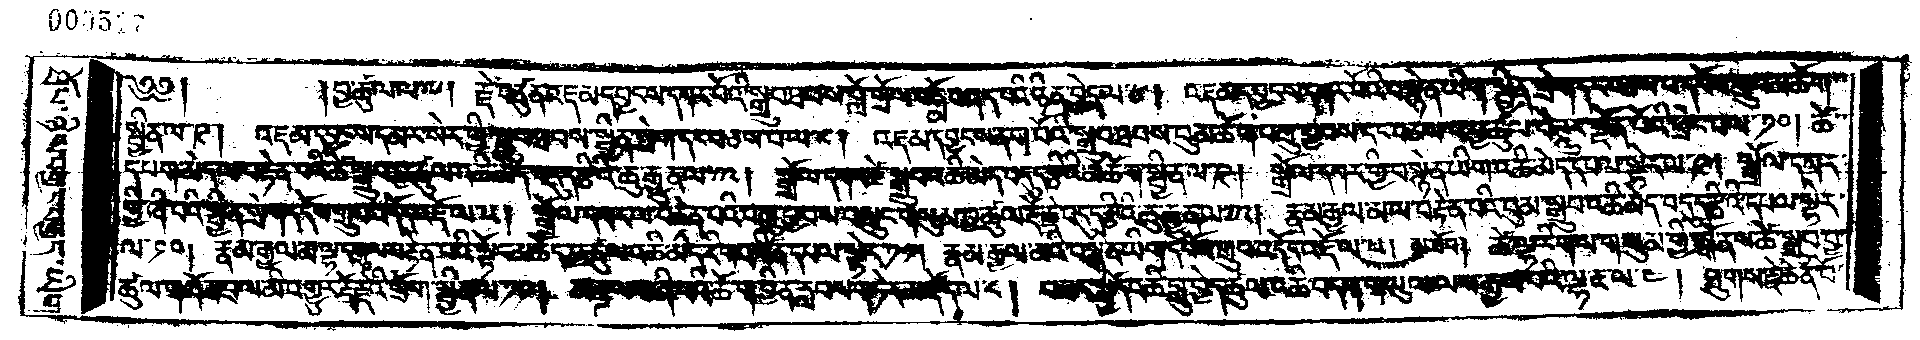༄༅། །བྱ་ཚུལ་ལ ༧། རྗེ་བཙུན་འཇམ་དབྱངས་དཀར་པོའི་སྒྲུབ་ཐབས་བློ་གྲོས་པདམོ་བཞད་པའི་ཉིན་བྱེད་ལ ༦། འཇམ་དབྱངས་དཀར་པོའི་བསྙེན་ཡིག་སྦྱིན་སྲེག་དང་བཅས་པ་དངོས་གྲུབ་མཆོག་
སྦྱིན་ལ ༩། འཇམ་དབྱངས་དམར་སེར་གྱི་སྒྲུབ་ཐབས་སྦྱིན་སྲེག་དང་བཅས་བ་ལ ༨། འཇམ་དབྱངས་ནག་བོའི་སྒྲུབ་ཐབས་བུམ་ཆོག་བཀྲུ་བྱབས་དང་བཅས་པ་བྱ་ཚུལ་བཻཊཱུར་སྔོན་པོའི་ཕྲེང་བ་ལ ༡༠། ཚེ་
དཔག་མེད་ལ་བརྟེན་པའི་ཚེ་སྒྲུབ་བྱ་ཚུལ་འཆི་མེད་བདུད་རྩིའི་ཆུ་རྒྱུན་ལ ༣། སྒྲོལ་དཀར་ཚེ་སྒྲུབ་འཆི་མེད་བདུད་རྩིའི་མཆོག་སྦྱིན་ལ ༩། སྒྲོལ་དཀར་གྱི་བསྙེན་ཡིག་འཆི་མེད་དཔལ་སྟེར་ལ ༩། སྒྲོལ་དཀར་
གྱི་ཞི་བའི་སྤྱིན་སྲེག་དངོས་གྲུབ་འདོད་འཇོ་ལ ༥། སྒྲོལ་དཀར་ལ་བརྟེན་པའི་བཀྲུ་བྱབས་བསྲུང་གསུམ་བྱ་ཚུལ་རྡོ་རྗེ་བདུད་རྩིའི་ཆུ་རྒྱུན་ལ ༣། རྣམ་རྒྱལ་མ་ལ་བརྟེན་པའི་བུམ་སྒྲུབ་འཆི་མེད་བདུད་རྩིའི་དཔལ་སྟེར་
ལ ༡༠། རྣམ་རྒྱལ་མ་ལྷ་དགུལ་བརྟེན་པའི་སྟོང་མཆོད་བྱ་ཚུལ་འཆི་མེད་རིག་འཛིན་དཔལ་སྟེར ༡༡། རྣམ་རྒྱལ་མའི་བསྙན་ཡིག་དངོས་གྲུབ་འདོད་འཇོ་ལ་མ་ཐོབ།  ༥་ཚེ་ལྷ་རིགས་གསུམ་གྱི་སྒོ་ནས་ཚེ་སྒྲུབ་བྱ་
ཚུལ་གཞོམ་བྲལ་མི་འགྱུར་རྡོ་རྗེའི་སྲོག་སྦྱིན་ལ ༡༡། མཎྜལ་བཞི་པའི་ཆོ་ག་བྱིན་རླབས་གཏེར་མཛོད་ལ ༨། བཟང་སྤྱོད་འཆི་བླུ་བྱེད་ཚུལ་འཆི་བདག་གཡུལ་ལས་རྒྱལ་པའི་ལྷ་རྔ་ལ ༤། ཐུགས་རྗེ་ཆེན་བོ་